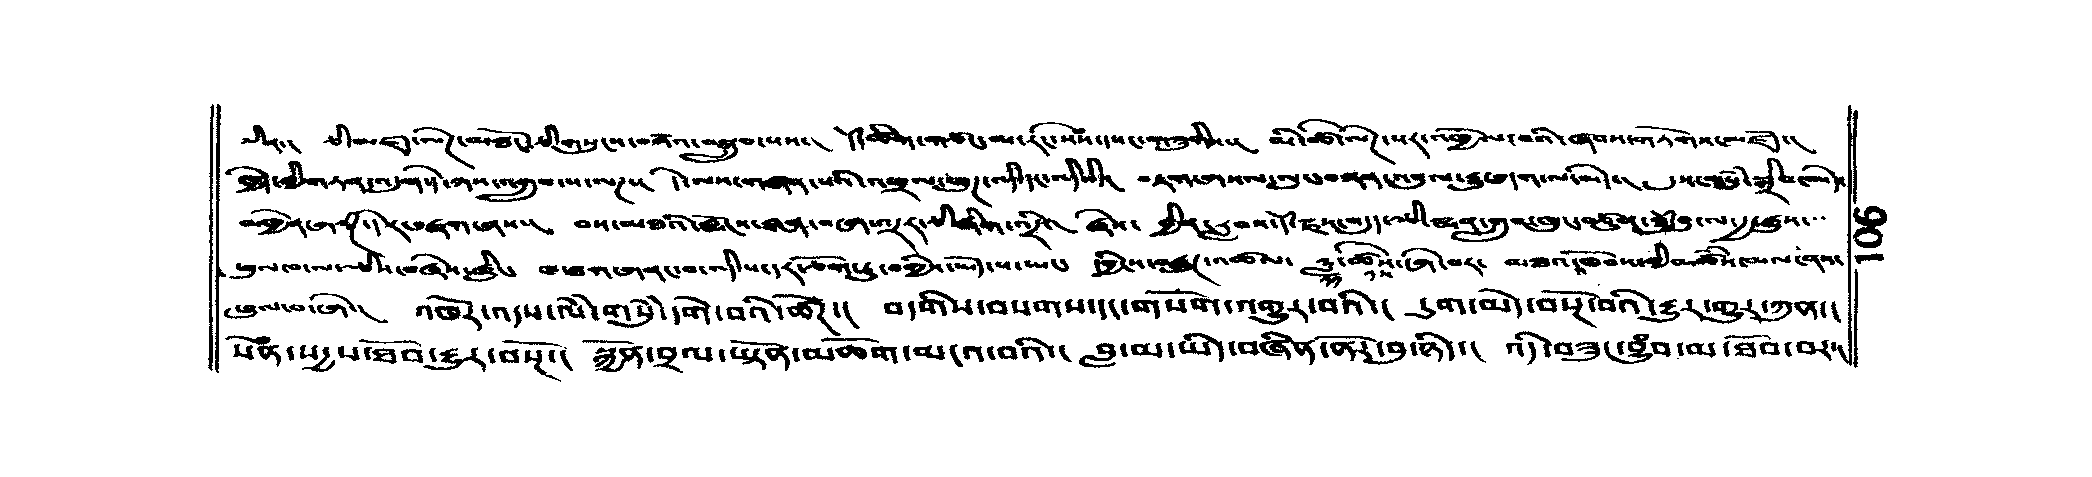མིན། །ཅི་མཛད་ལེགས་མཐོང་ཅི་གསུངས་བཀའ་བསྒྲུབ་པས། །དམ་ཚིག་གཙང་མ་རང་སེམས་དཔང་གཟུག་གིས། །མི་ཚེ་ལེགས་པར་འཁྱོལ་བའི་ཞབས་གཏོག་མཛོད། །
ཁྱེད་ཀྱི་གཏན་འདུན་དེ་ཀས་འགྲུབ་པ་ལགས། །དེ་ལས་གཞན་པའི་འཕྲལ་ཕུགས་འདི་དང་འདིའི། །བརྟག་གསལ་ལུང་བསྟན་འབུལ་རྒྱུ་བདག་ལ་མེད། །དུས་གསུམ་སྒྲིབ་མེད་
མཁྱེན་གཟིགས་དེར་བཞག་ནས། །བས་མཐའི་རྨོངས་རྒན་བདག་འདྲར་ཅི་ཞིག་འདྲི། ཞེས་བྱིན་རླབས་དམ་རྫས་བདུད་རྩི་སྨན་གྲུབ་ཁུངས་བཙུན་ཐུམ་བུ་ལ་རྒྱ་ཞུས་
ཕུལ་བ་ལ་རྩིས་བཞེས་ཞུ་ཞིང་། ཁ་ཐགས་གནང་བ་འདི་དར་ཅོག་ཏུ་བགྱིས་ཡོད་པ་ཡང་། དབྱིངས་བཞུགས་འཚལ། ཟླ་བ་བཅུ་གཅིག་པའི་ཚེས་བཅོ་ལྔ་དགེ་བར། མཐའ་འཁོབ་ཀྱི་མཚམས་མལ་ནས་
ཕུལ་བ་དགེ།། འཁོར་འདས་ལམ་གསུམ་དགེ་བའི་ཚོགས། །བདག་གིས་བསགས་དང་གསོག་འགྱུར་བའི། །དུག་མེད་བསྔོ་པའི་རྒྱུར་གྱུར་ཀུན། །
སེམས་ཅན་སངས་རྒྱས་ཐོབ་རྒྱུར་བསྔོ། །སྐྱོན་བྲལ་ཡོན་ཏན་མཆོག་མངའ་བའི། །བླ་མ་ཡིད་བཞིན་ནོར་བུ་ཉིད། །འདི་བཟུང་བྱང་ཆུབ་མ་ཐོབ་བར།